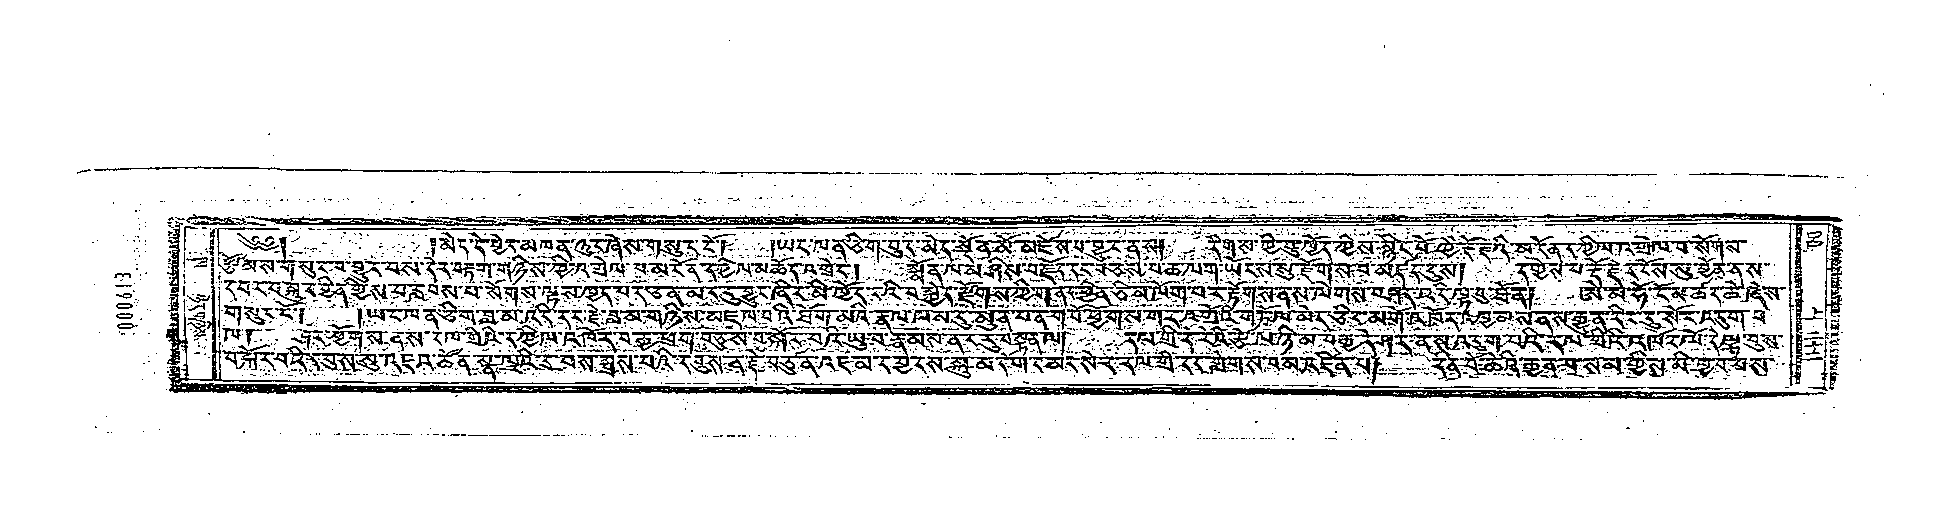༄༅། །མེད་དེ་བྱེད་མཁན་ཉུང་ཞེས་གསུང་ངོ། །ཡང་ལན་ཅིག་བུད་མེད་སྔོན་མོ་མཛེས་པ་བྱུང་ནས། རིགས་ཀྱི་བུ་ཁྱོད་ཀྱིས་སྙིང་པོ་ཀྱི་རྡོ་རྗེའི་མངོན་དཀྱིལ་འགྲེལ་བ་སོགས་
རྩོམས་གསུང་བ་བྱུང་བས་དེར་བརྟག་གཉིས་ཀྱི་འགྲེལ་པ་མངོན་དཀྱིལ་མཆོད་འཕྲེང་། སྨོན་ལམ་ཤིས་བརྗོད་དང་བཅས་པ་ཆ་ལག་ཡོངས་སུ་རྫོགས་པ་མཛད་དུས། དགྱེས་པ་རྡོ་རྗེ་དངོས་སུ་བྱོན་ནས་
དབང་བསྐུར་བྱིན་གྱིས་བརླབས་པ་སོགས་ལྟས་ཁྱད་པར་ཅན་མང་དུ་བྱུང་ཞིང་མི་ཁྱོད་ངའི་བསྐྱེད་རྫོགས་ཀྱི་གནང་ཕྱིན་ཅི་མ་ལོག་བར་རྟོགས་ནས་ལེགས་བཤད་འདི་ལྟ་བུ་ཐོན། ཨེ་མ་ཧོ་ངོ་མཚར་ཆེ་ཞེས་
གསུང་ངོ། །ཡང་ལན་ཅིག་བླ་མ་འདི་དང་རྗེ་བླ་མ་གཉིས་མཇལ་བའི་ཐོག་མའི་རྣལ་ལམ་དུ་མུན་པ་ནག་པོ་ཕྱོགས་གར་འགྲོའི་གཏོལ་མེད་ཅིང་མགོ་འཁོར་འཁྱམས་ནས་རྒྱུན་རིང་དུ་སོང་འདུག་པ་
ལ། ཤར་ཕྱོགས་ནས་རལ་གྲིའི་དཀྱིལ་འཁོར་བརྒྱ་ཕྲག་བཅུས་བསྐོར་བའི་ཡུ་བ་རྣམས་ནང་དུ་བསྟན་ལ། རལ་གྲི་རེ་རེའི་རྩེ་ལ་ཉི་མ་བརྒྱ་རེ་ཤར་ནས་འདུག་པའི་རལ་གྲིའི་འཁོར་ལོ་དེ་ལྟ་བུས་
བསྐོར་བའི་དབུས་སུ་འཇའ་ཚོན་སྣ་ལྔའི་དྲ་བས་སྤྲས་པའི་དབུས་ན་རྗེ་བཙུན་འཇམ་དབྱངས་སྐུ་མདོག་དམར་སེར་རལ་གྲི་དང་གླེགས་བམ་འཛིན་པ། རིན་པོ་ཆེའི་རྒྱན་བསམ་གྱིས་མི་ཁྱབ་པས་